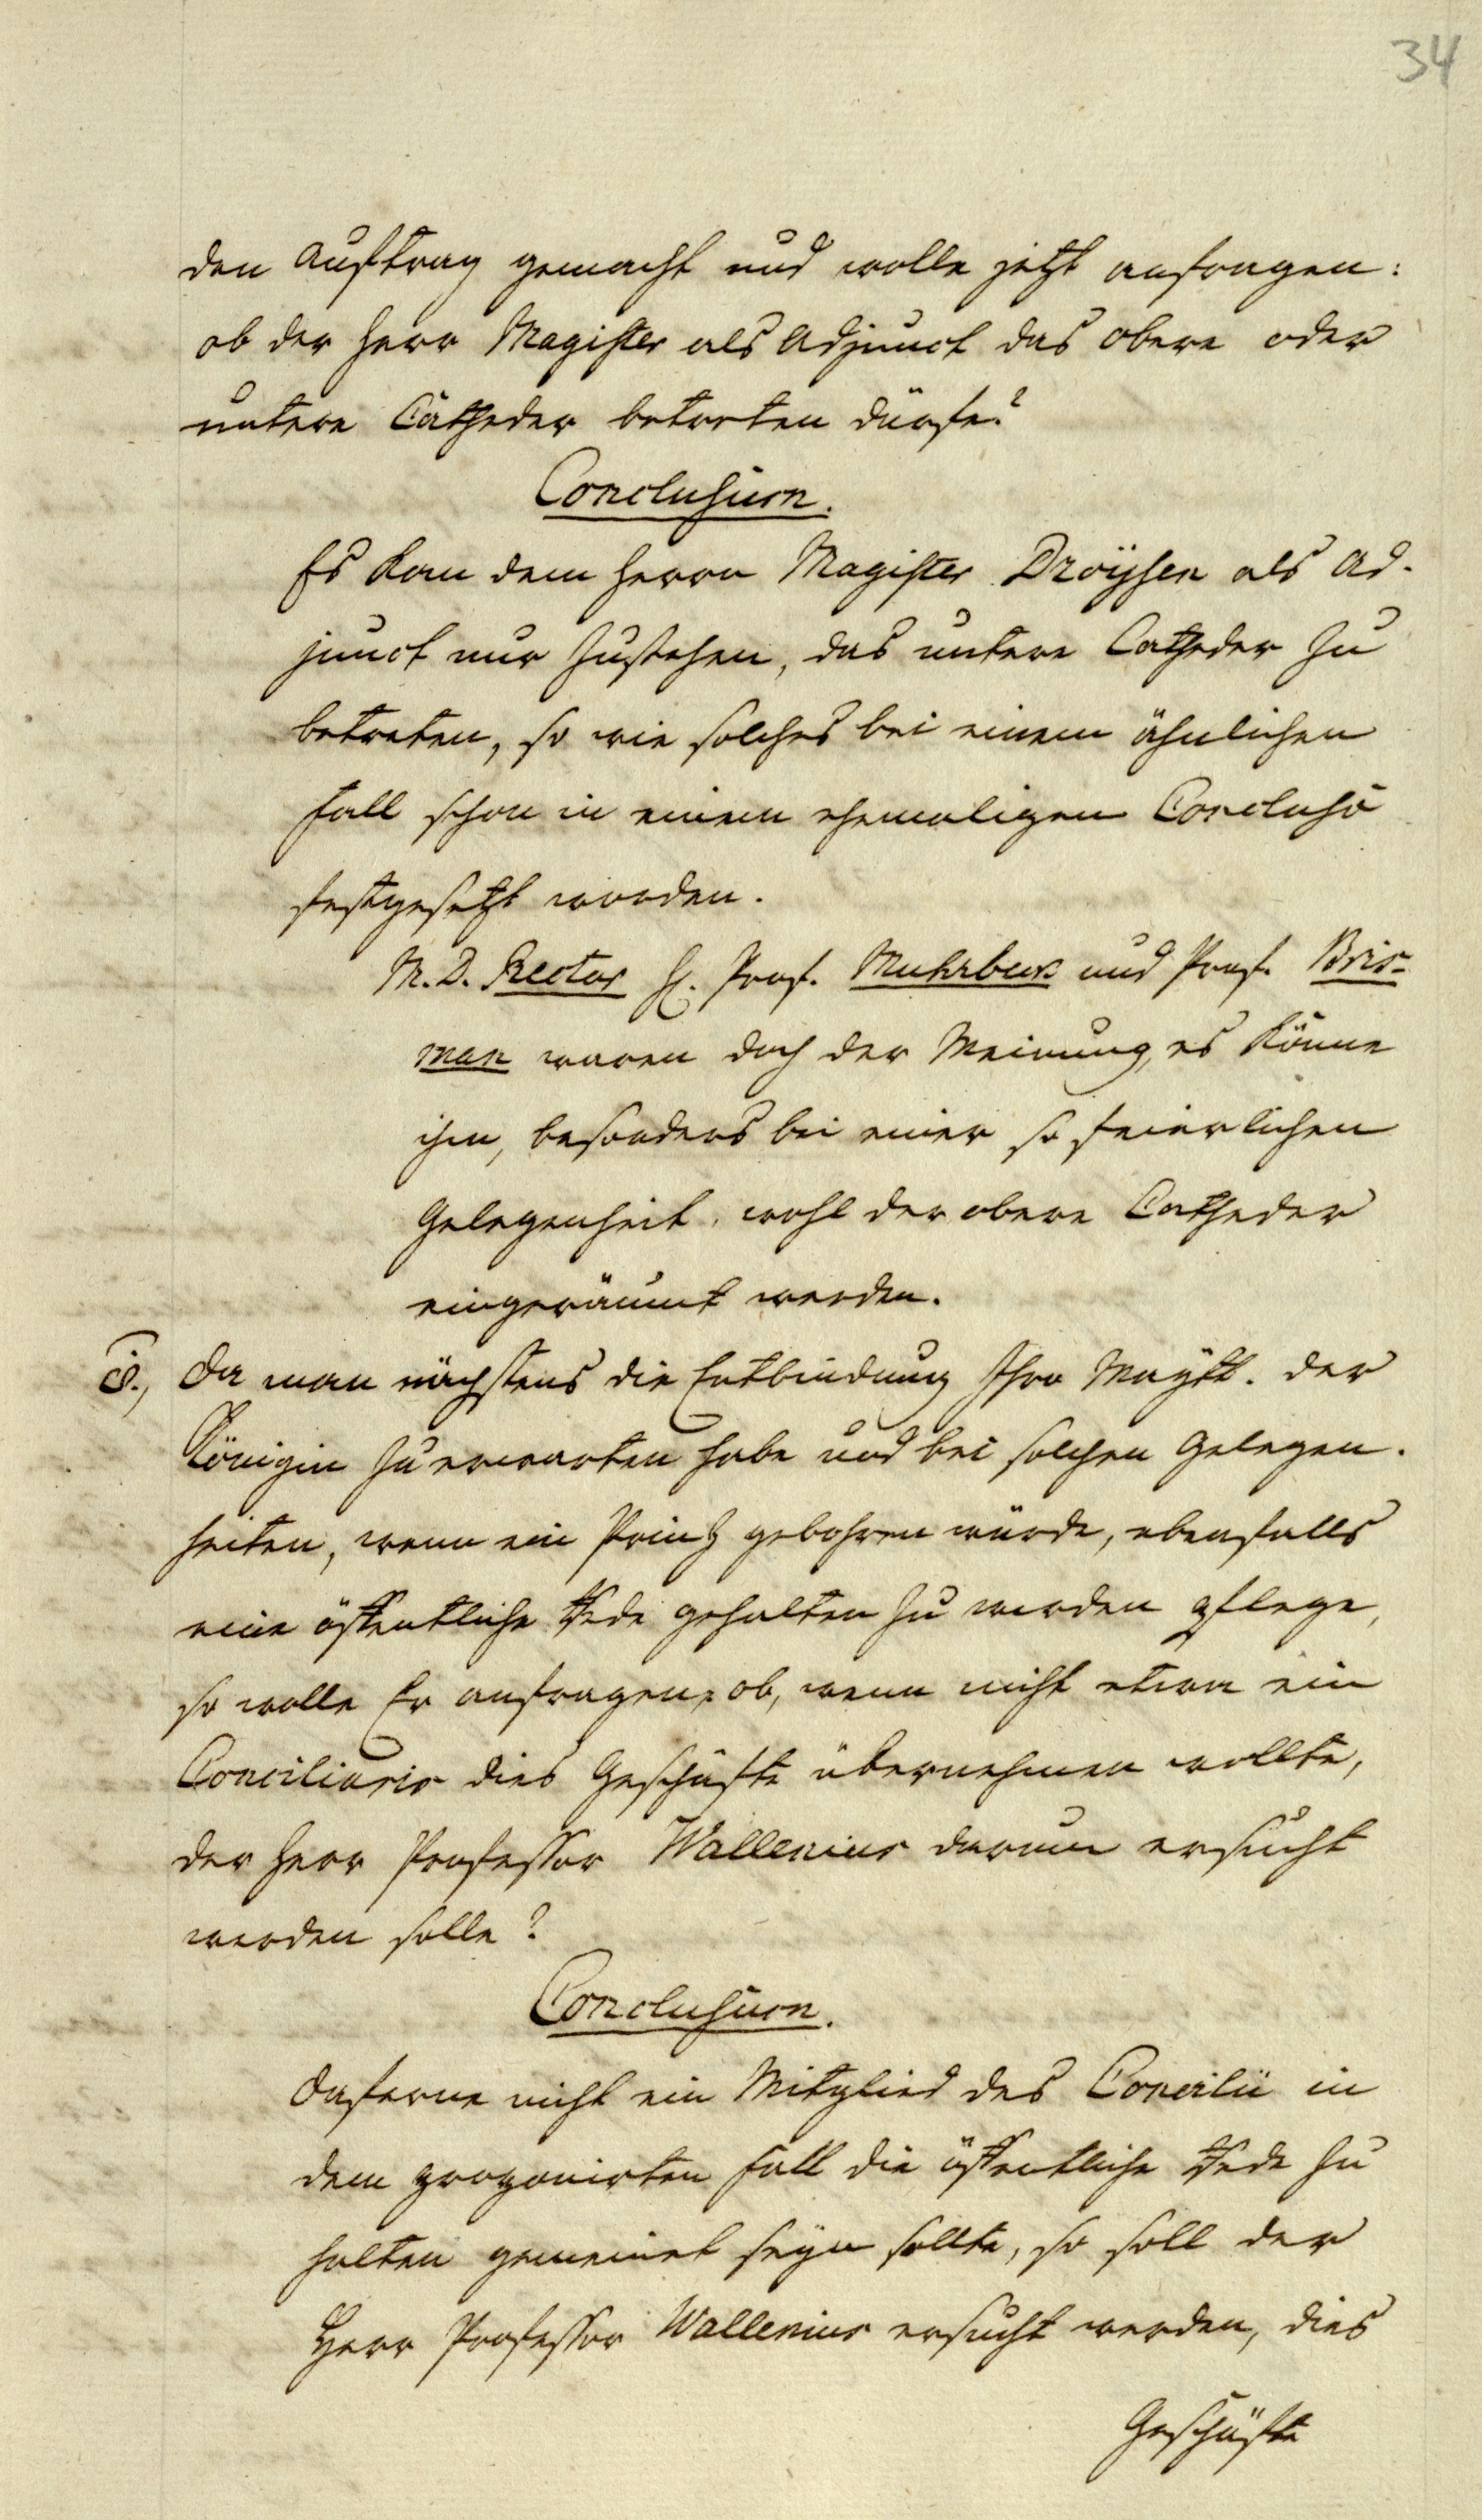den Auftrag gemacht und wolle jetzt anfragen:
ob der Herr Magister als Adjunct das obere oder
untere Catheder betreten dürfe?
Conclusum.
Es kan dem Herrn Magister Droÿsen als Ad¬
junct nur zustehen, das untere Catheder zu
betreten, so wie solches bei einem ähnlichen
Fall schon in einem ehemaligen Concluso
festgesetzt worden.
M. D. Rector H. Prof. Muhrbeck und Prof. Bris¬
man wären doch der Meinung, es könne
ihm, besonders bei einer so feierlichen
Gelegenheit, wohl der obere Catheder
eingeräumt werden.
8., Da man nächstens die Entbindung Ihro Maÿtt. der
Königin zu erwarten habe und bei solchen Gelegen¬
heiten, wenn ein Prinz gebohren würde, ebenfalls
eine öffentliche Rede gehalten zu werden pflege,
so wolle Er anfragen ob, wenn nicht etwa ein
Conciliaris dies Geschäfte übernehmen wollte,
der Herr Professor Wallenius darum ersucht
werden solle?
Conclusum.
Daferne nicht ein Mitglied des Concilii in
dem proponirten Fall die öffentliche Rede zu
halten gemeinet seÿn sollte, so soll der
Herr Professor Wallenius ersucht werden, dies
Geschäfte